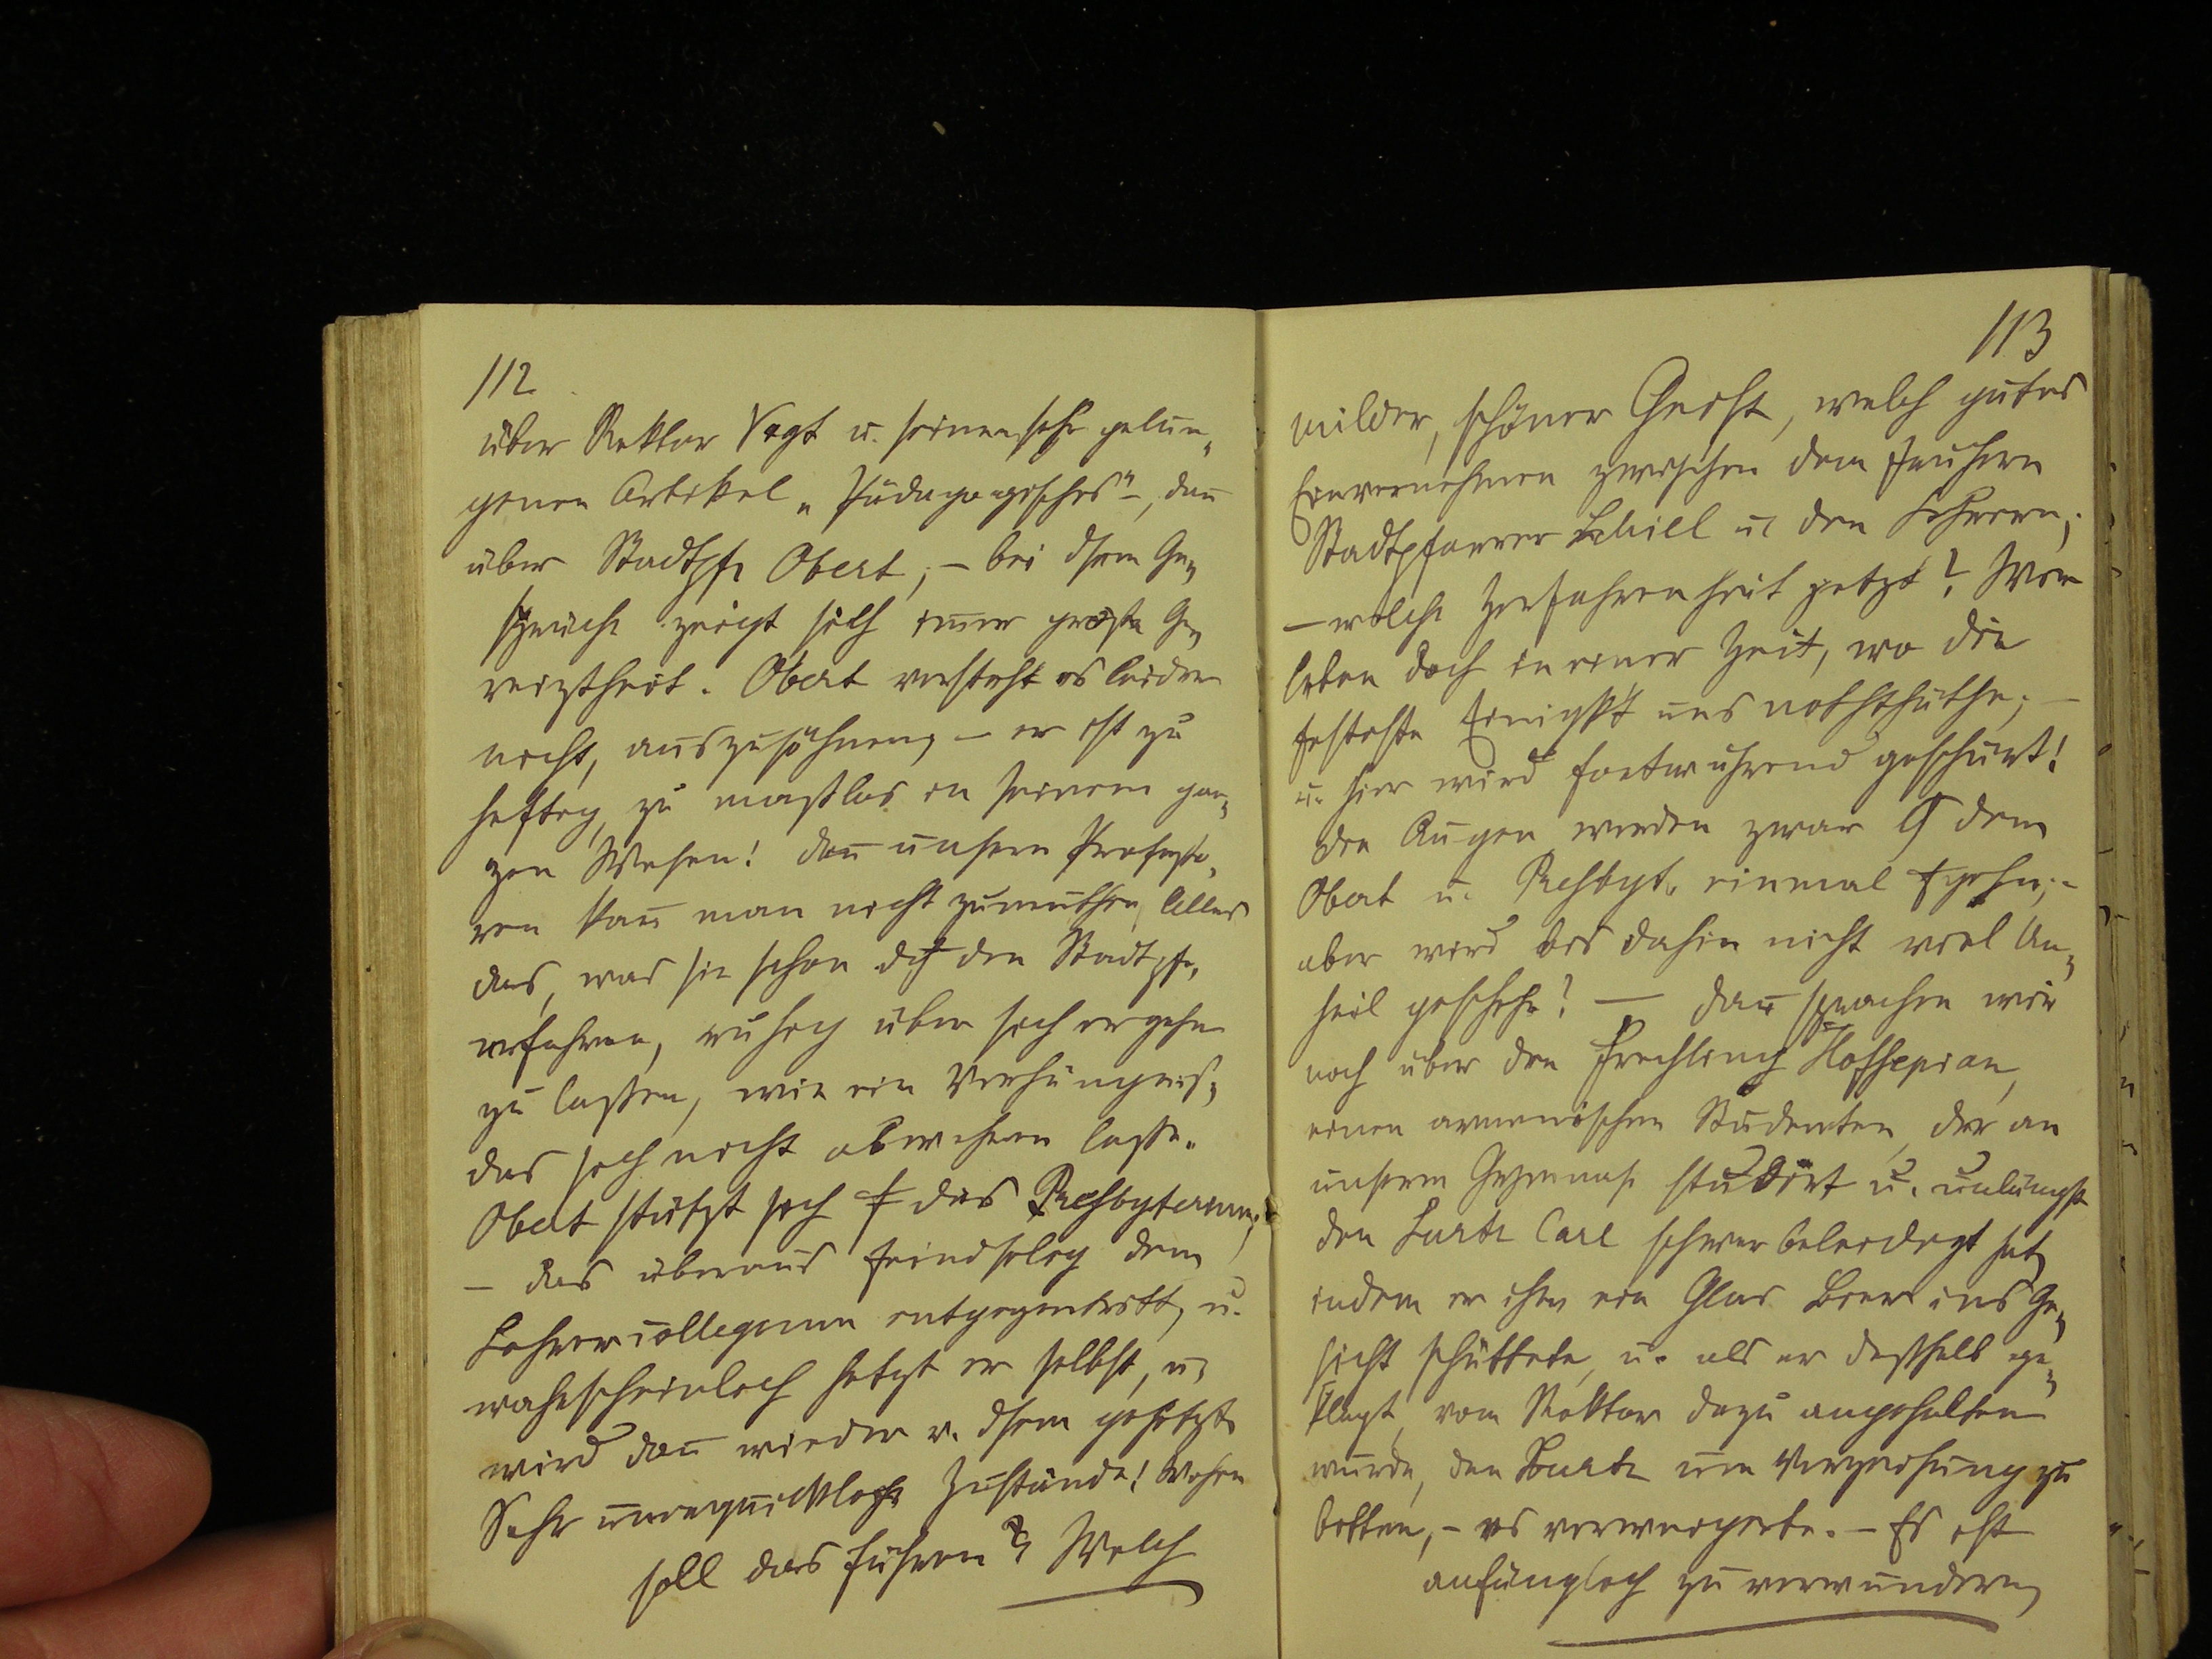112
über Rektor Vogt u. seinen sehr gelun¬
genen Artikel „Pädagogisches“ -, dan
über Stadtpf. Obert; - bei diesem Ge¬
spräch zeigt sich imer große Ge¬
reiztheit. Obert versteht es leider
nicht, auszusöhnen, - er ist zu
heftig, zu maßlos in seinem gan¬
zen Wesen! Den unseren Professo¬
ren kann man nicht zumuthen, alles
das, was sie schon drh den Stadtpfr.
erfahren, ruhig über sich ergehen
zu lassen, wie ein ? Verhängnis,
das sich nicht abwehren laße.
Obert stützt sich f das Presbyterium,
- das überaus feindselig dem
Lehrecollegium entgegentritt, u.
wahrscheinlich hetzt er selbst , u.
wird dann wieder v. diesem gehetzt.
Sehr unerquickliche Zustände! Wohin
soll das führen. Welch
113
milder, schöner Geist, welch gutes
Einvernehmen zwischen dem früheren
Stadtpfarrer Schiel und den Lehrern,
- Welche Zerfahrenheit jetzt ?, -Wir
leben doch in einer Zeit, wo die
festeste Einigkeit uns noththäthe; -
u. hier wird fortwährend geschürt!
Die Augen werden werden zwar auch dem
Obert und Presbyt. einmal fgehen; -
aber wird bis dahin nicht viel Un¬
heil geschehen ? — Dann sprachen wir
noch über den Frechling Hofsepian,
einen armenischen Studenten, der an
unserem Gymnasium studiert und unlängst
den Lurtz Carl schwer beleidigt hat,
indem er ihm ein Glas Bier ins Ge¬
sicht schüttete, u. als er deshalb ge¬
klagt, vom Rektor dazu angehalten
wurde, den Lurtz um Verzeihung zu
bitten, - es verweigerte. - Es ist
anfänglich zu verwundern